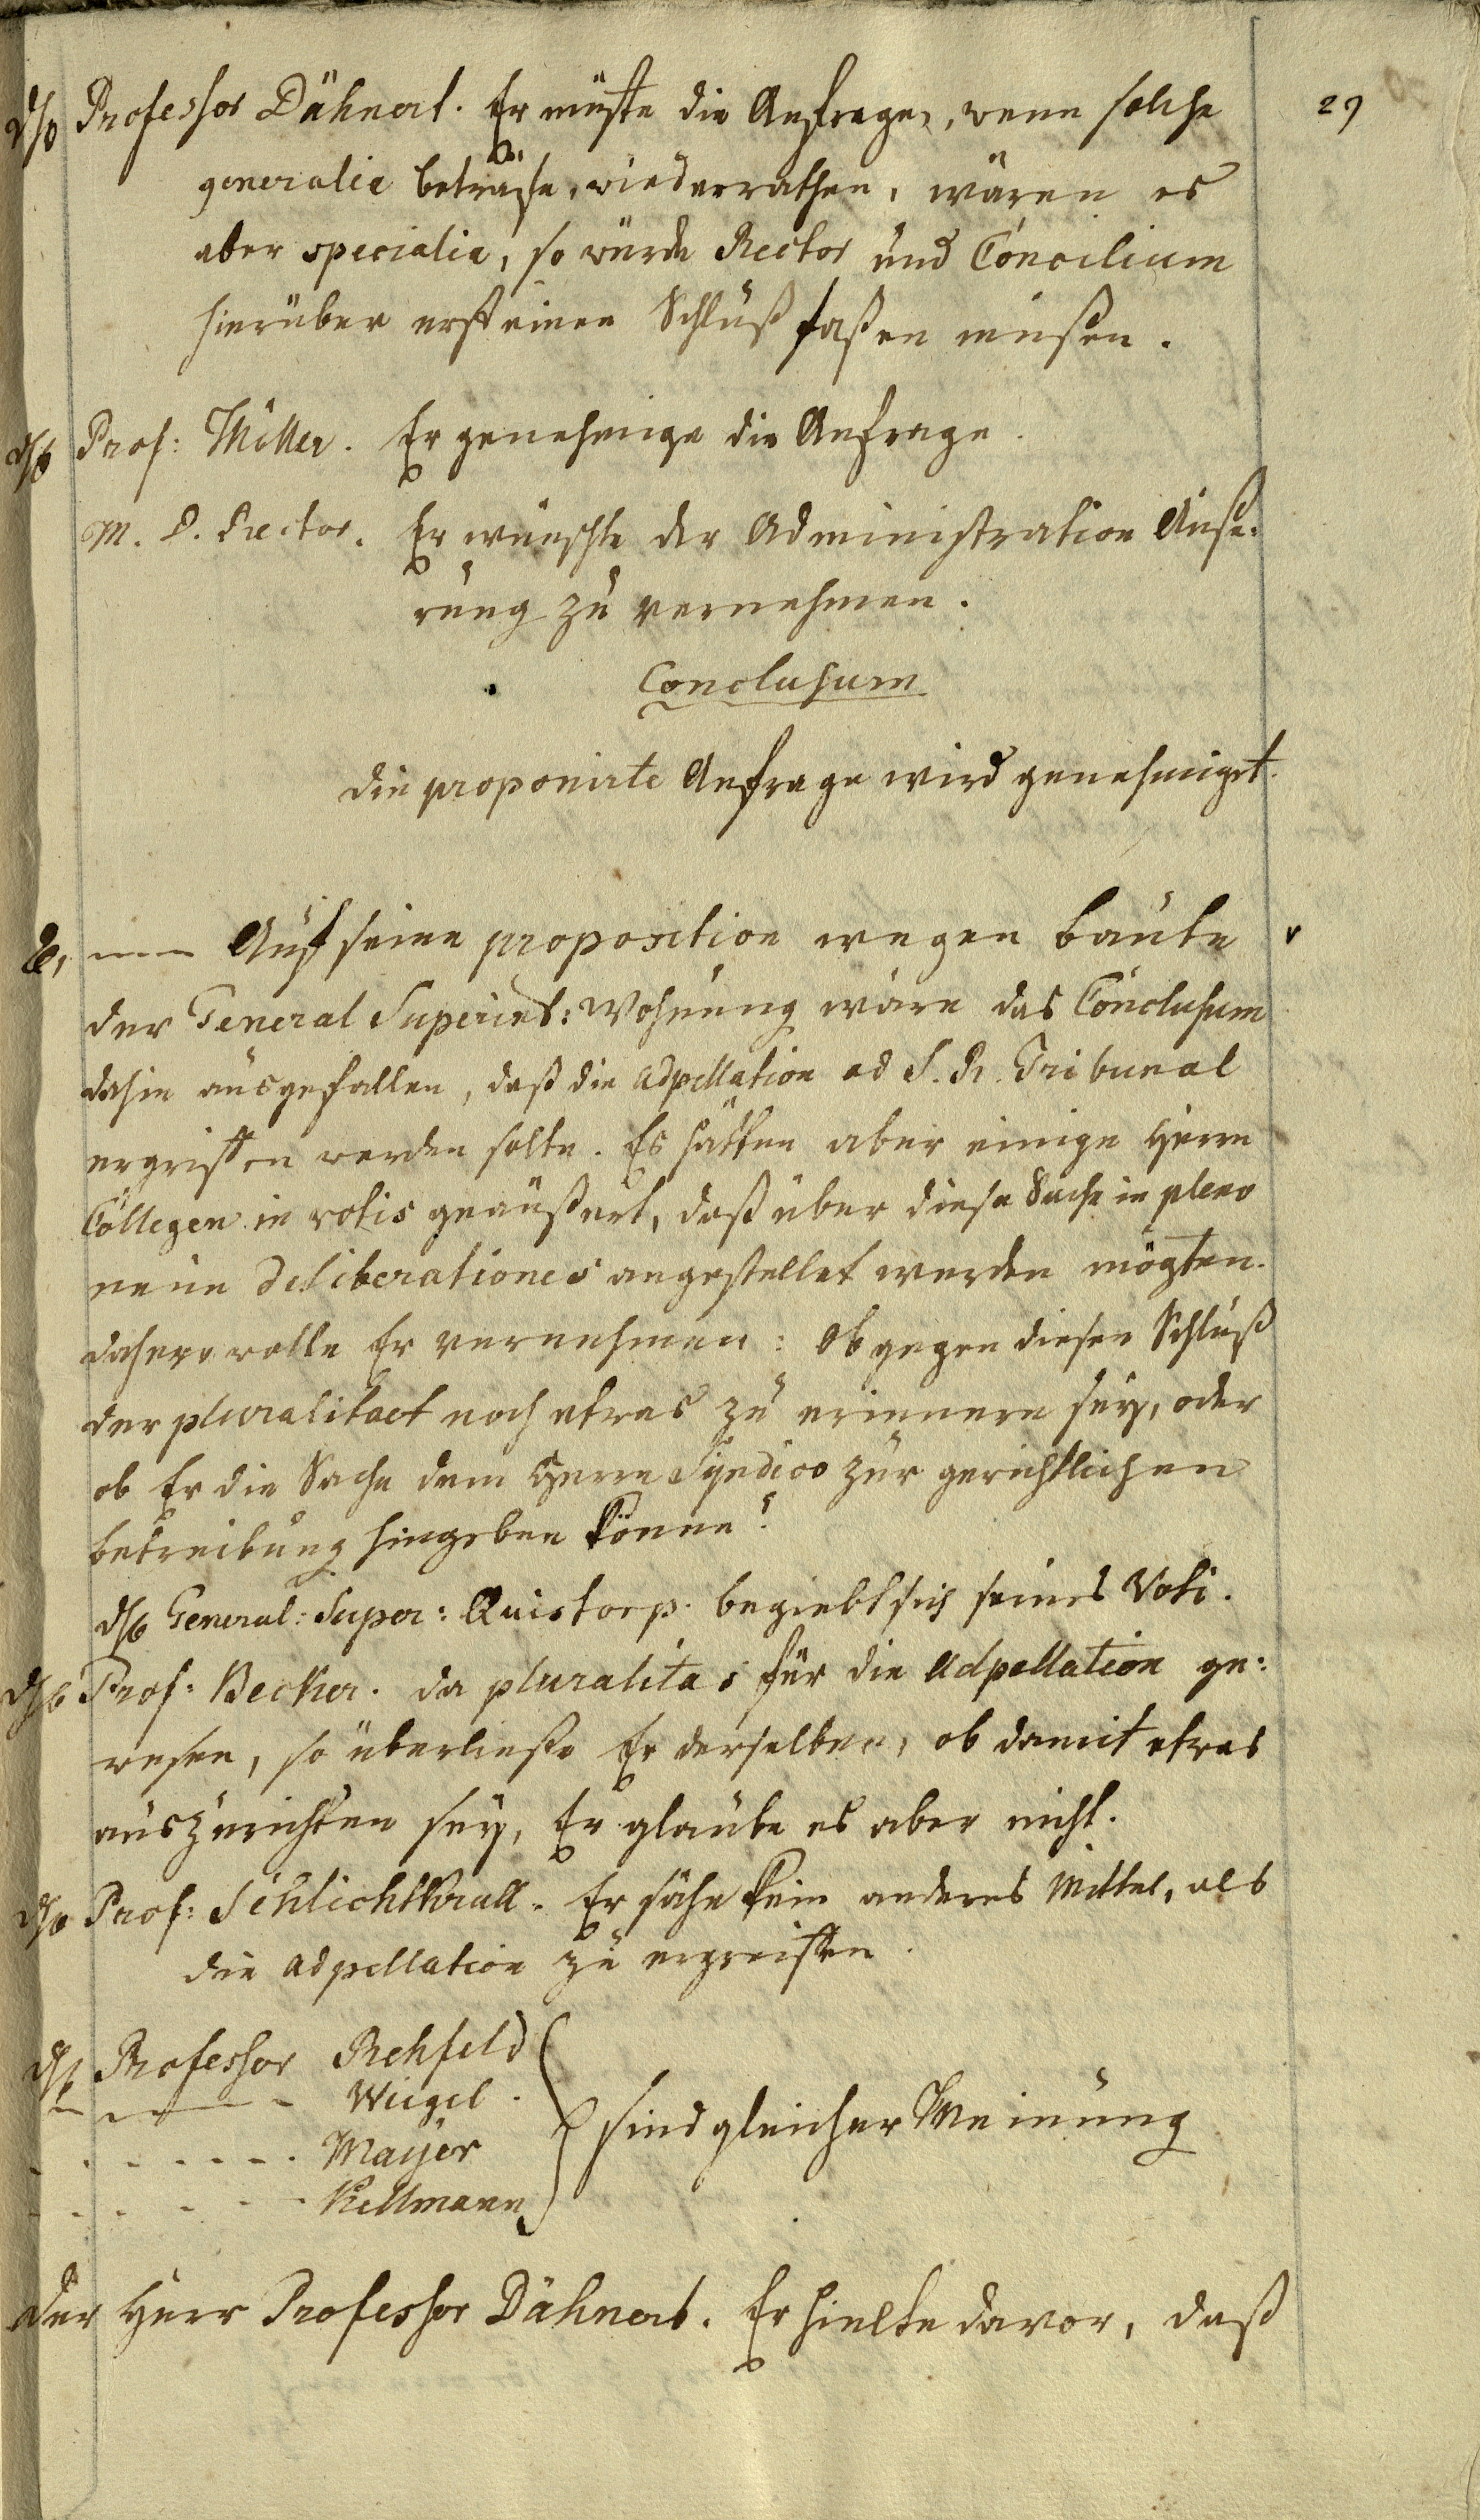dh Professor Dähnert. Er müste die Anfrage, wenn solche
generalia beträfe, wiederrathen, wären es
aber specialia, so würde Rector und Concilium
hierüber erst einen Schluß faßen müßen.
dh Prof. Möller. Er genehmige die Anfrage.
M. D. Rector. Er wünsche der Administration Äuße¬
rung zu vernehmen.
Conclusum.
die proponirte Anfrage wird genehmiget.
8. Auf seine proposition wegen Baute
der GeneralSuperint. Wohnung wäre das Conclusum
dahin ausgefallen, daß die Adpellation ad S. K. Tribunal
ergrifen werden solte. Es hätten aber einige Herrn
Collegen in votis geäußert, daß über diese Sache in pleno
neue deliberationes angestellet werden mögten.
Dahero wolle Er vernehmen,: ob gegen diesen Schluß
der pluralitaet noch etwas zu erinner seÿ, oder
ob Er die Sache dem Herrn Sÿndico zur gerichtlichen
Betreibung hingeben könne?
dh General.Super. Quistorp begiebt sich seines Voti.
dh. Prof. Becker. da pluralitas für die Adpellation ge¬
wesen, so überließe Er derselben, ob damit etwas
auszurichten seÿ, Er glaube aber nicht.
dh. Prof. Schlichtkrull. Er sähe kein anderes Mittel, als
die Adpellation zu ergreifen.
dh Professor Rehleld
Weigel sind gleicher Meinung
Maÿer
Kellmann
der Herr Professor Dähnert. Er hielte davor, daß